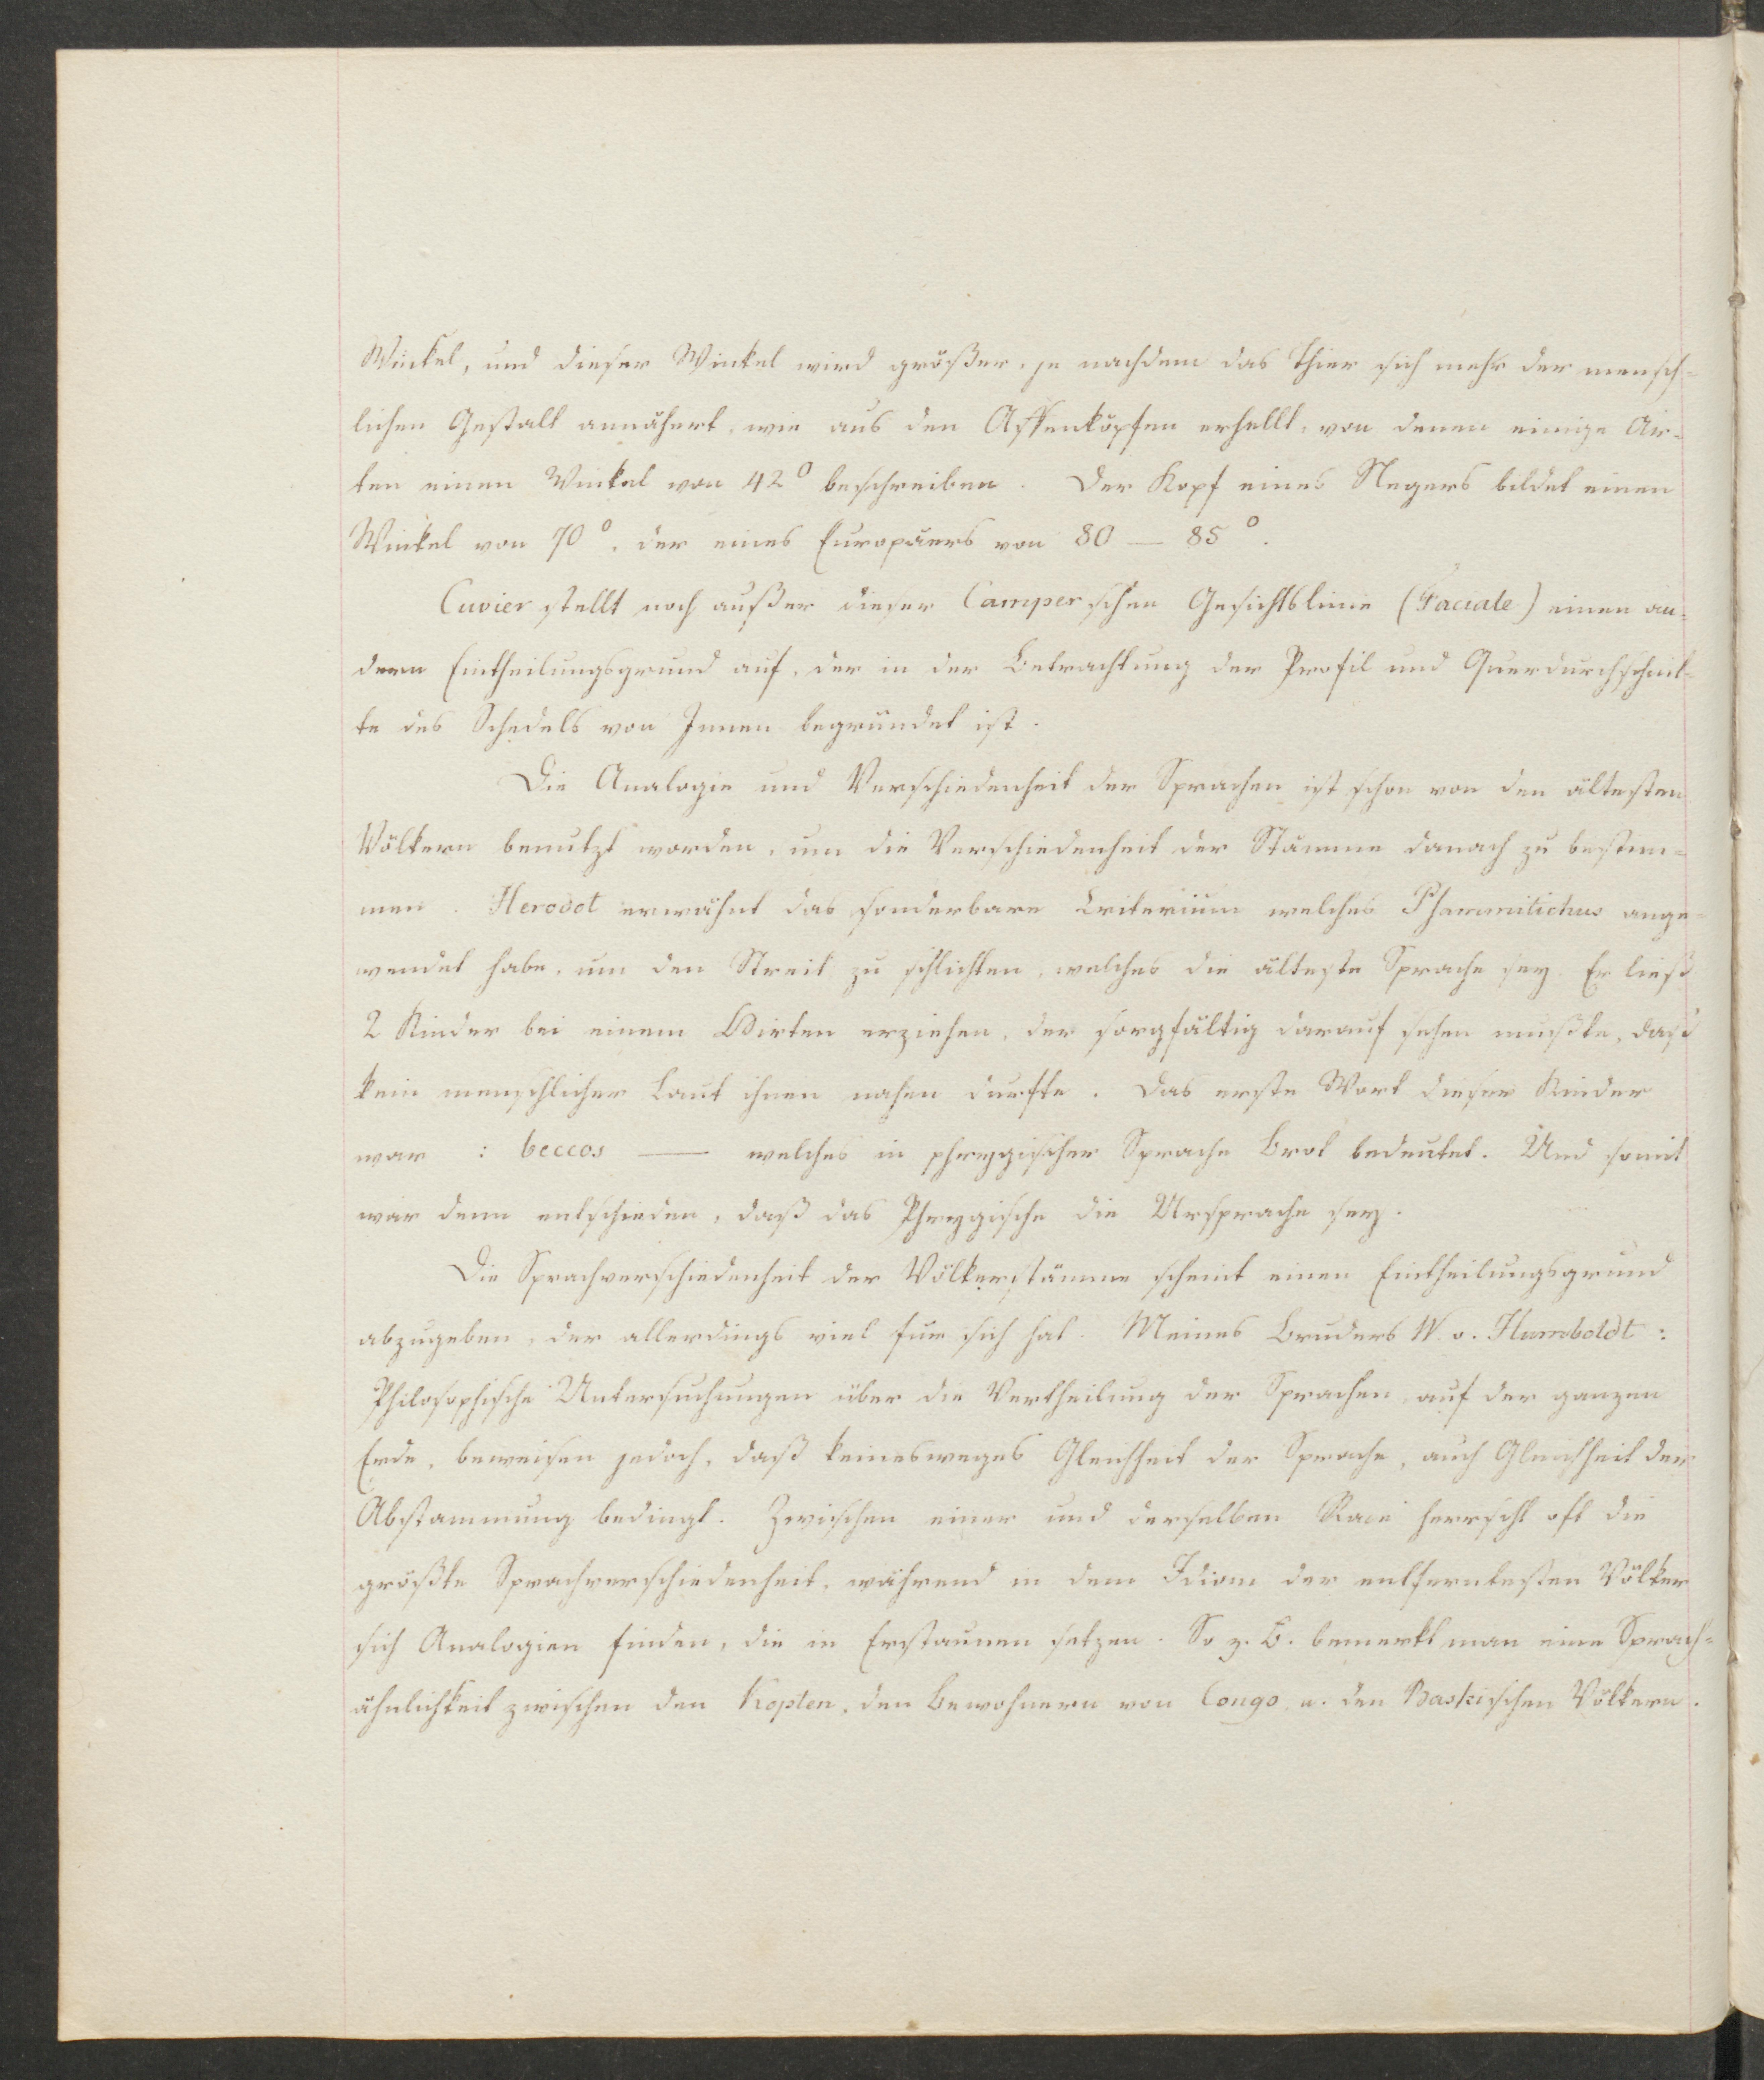Winkel, und dieser Winkel wird größer, je nachdem das Thier sich mehr der mensch-
lichen Gestalt annähert, wie aus den Affenköpfen erhellt, von denen einige Ar-
ten einen Winkel von 42° beschreiben. Der Kopf eines Negers bildet einen
Winkel von 70°, der eines Europäers von 80–85°.
Cuvier stellt noch außer dieser Camperschen Gesichtslinie einen an-
dern Eintheilungsgrund auf, der in der Betrachtung der Profil und Querdurchschnit-
te des Schedels von Innen begründet ist.
Die Analogie und Verschiedenheit der Sprachen ist schon von den ältesten
Völkern benutzt worden, um die Verschiedenheit der Stämme danach zu bestim-
men. Herodot erwähnt das sonderbare Criterium welches Pharranitichus ange-
wendet habe, um den Streit zu schlichten, welches die älteste Sprache sey. Er ließ
2 Kinder bei einem Hirten erziehen, der sorgfältig darauf sehen mußte, daß
kein menschlicher Laut ihnen nahen durfte. Das erste Wort dieser Kinder
war: beccos – welches in phrygischer Sprache Brot bedeutet. Und somit
war denn entschieden, daß das Phrygische die Ursprache sey.
Die Sprachverschiedenheit der Völkerstämme scheint einen Eintheilungsgrund
abzugeben, der allerdings viel für sich hat. Meines Bruders W. v. Humboldt:
Philosophische Untersuchungen über die Vertheilung der Sprachen, auf der ganzen
Erde, beweisen jedoch, daß keinesweges Gleichheit der Sprache, auch Gleichheit der
Abstammung bedingt. Zwischen einer und derselben Race herrscht oft die
größte Sprachverschiedenheit, während in dem Idiom der entferntesten Völker
sich Analogien finden, die in Erstaunen setzen. So z. B. bemerkt man eine Sprach-
ähnlichkeit zwischen Kopten, den Bewohnern von Congo u. den Baskischen Völkern.